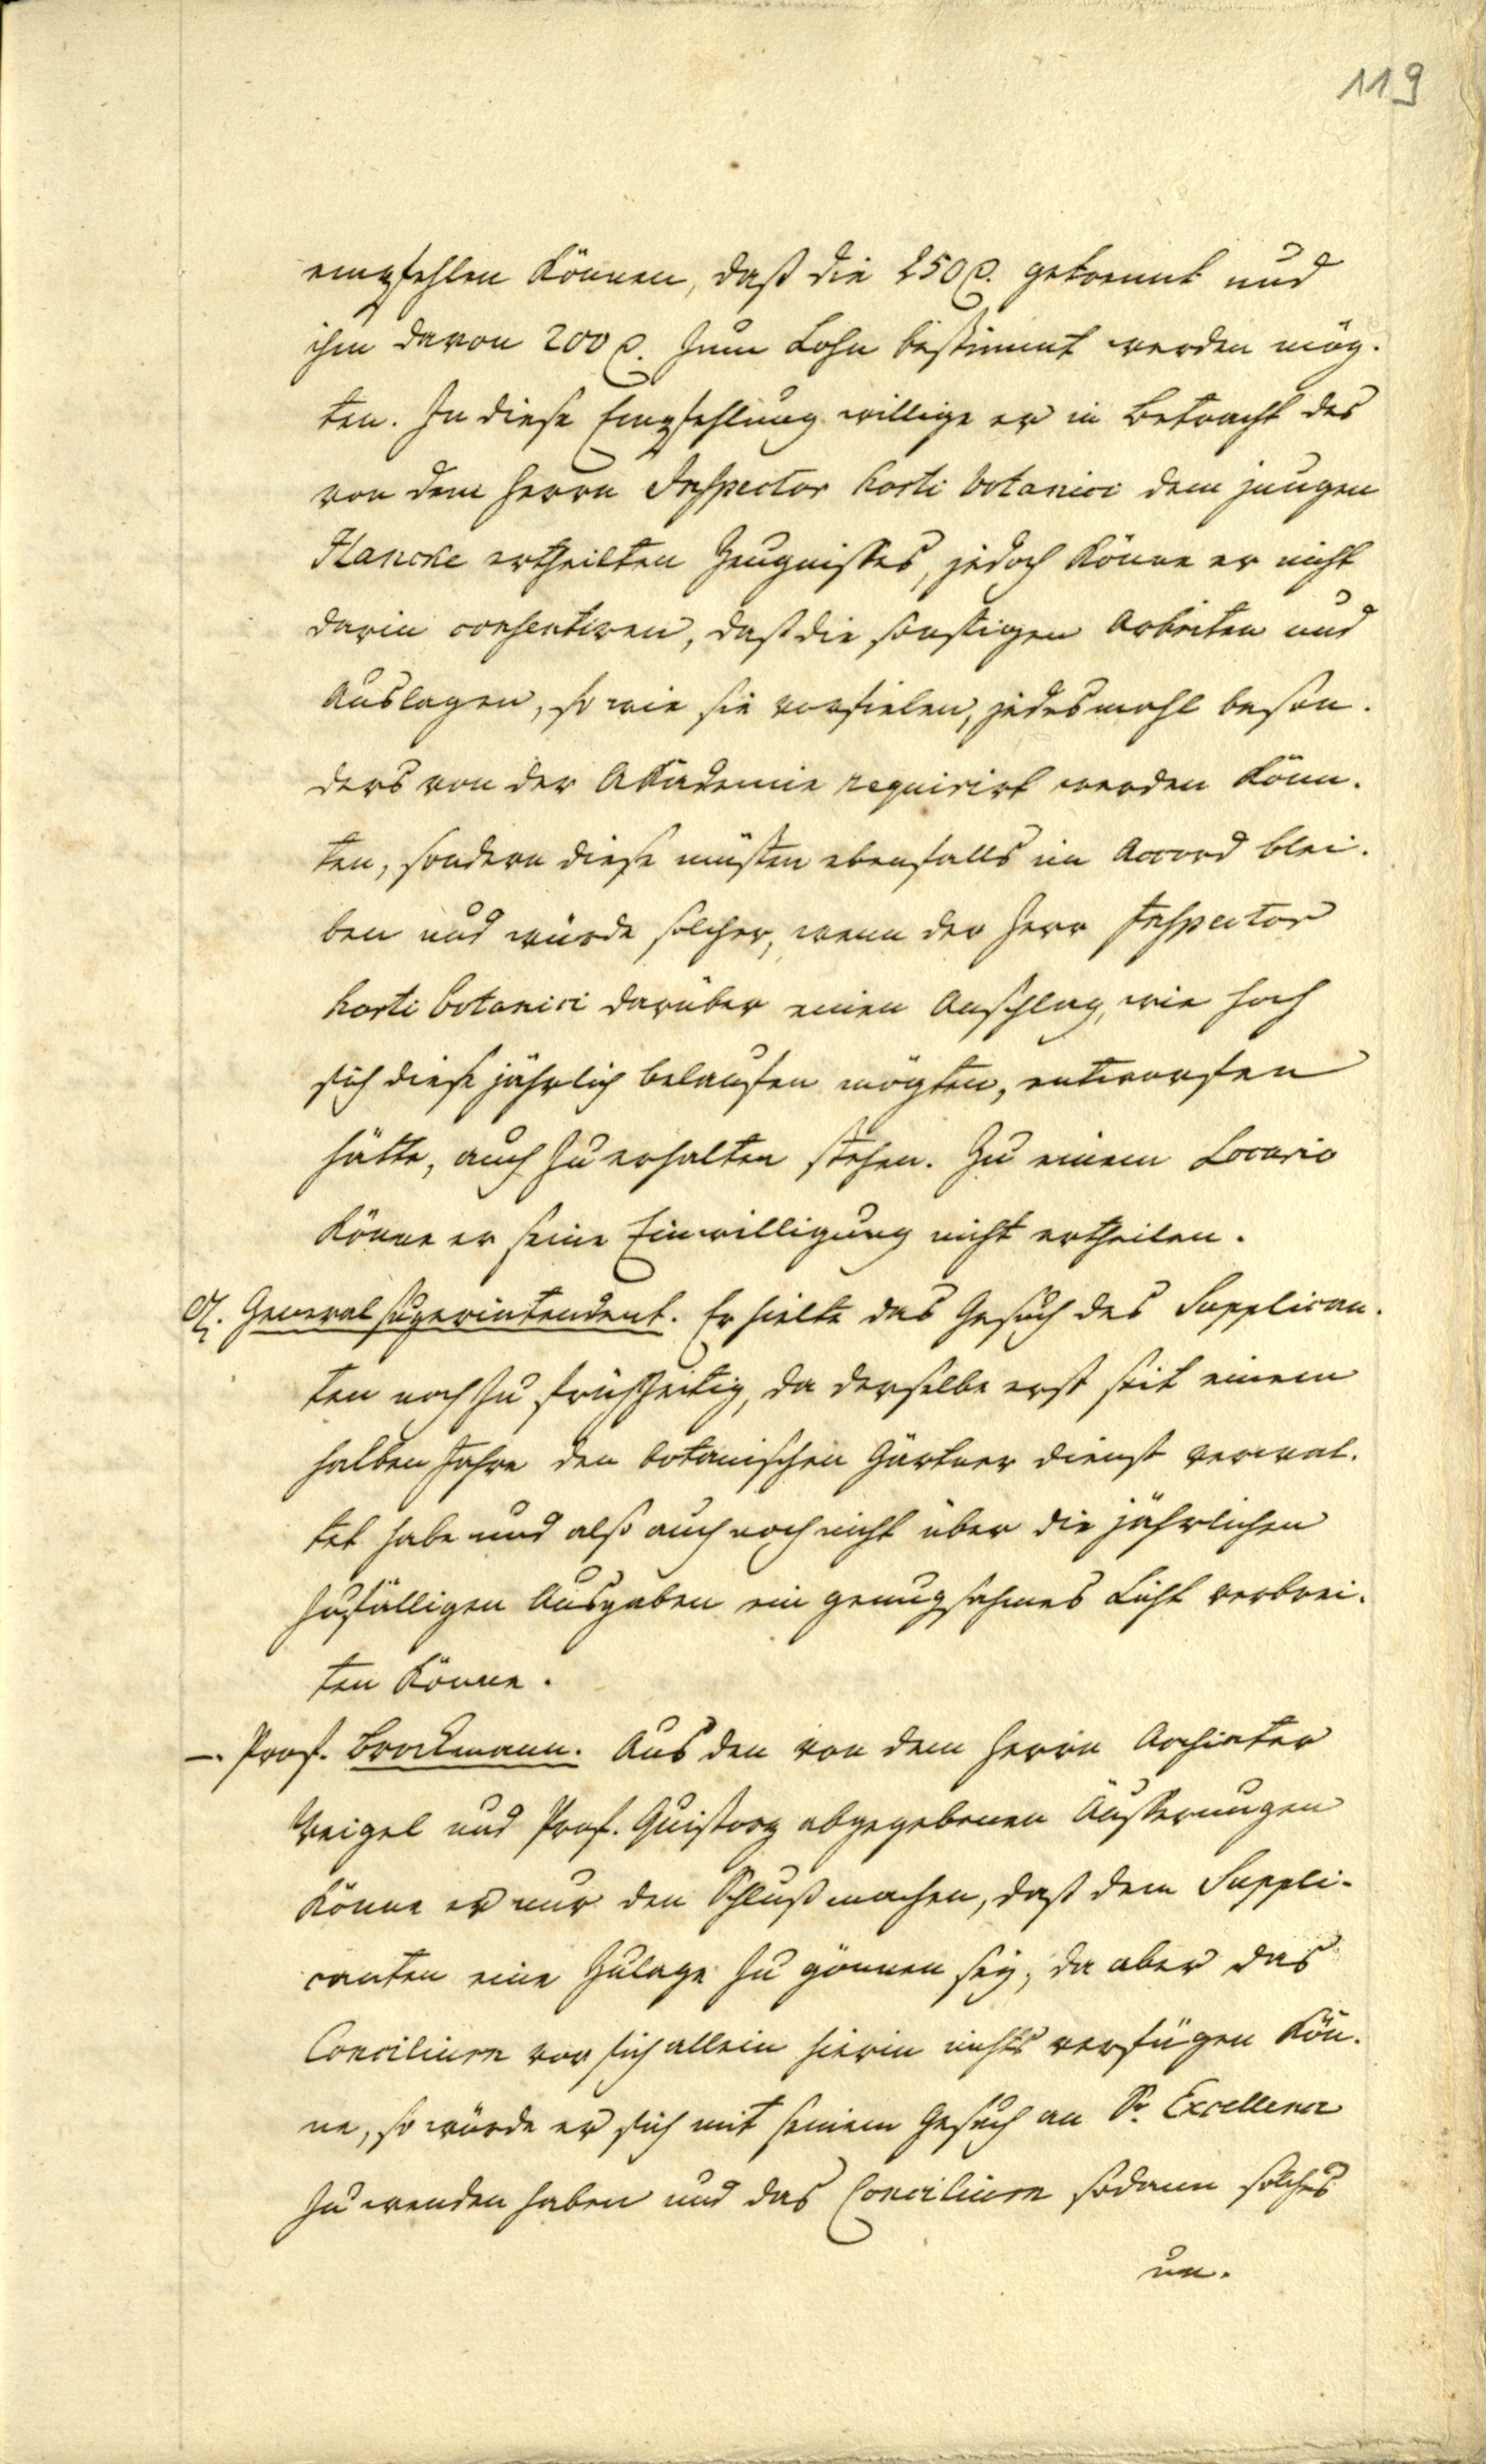empfehlen können, daß die 250 l. getrennt und
ihm davon 200 l. zum Lohn bestimmt werden mög¬
ten. In diese Empfehlung willige er in Betracht des
von dem Herrn Inspector horti botanici dem jungen
Hancke ertheilten Zeugnisses, jedoch könne er nicht
darin consentiren, daß die sonstigen Arbeiten und
Auslagen, so wie sie vorfielen, jedesmahl beson¬
ders von der Akademie requirirt werden könn¬
ten, sondern diese müßten ebenfalls im Accord blei¬
ben und würde solcher, wenn der Herr Inspector
horti botanici darüber einen Anschlag, wie hoch
sich diese jährlich belaufen mögten, entworfen
hätte, auch zu erhalten stehen. Zu einem Locario
könne er seine Einwilligung nicht ertheilen.
dh. Generalsuperintendent. Er hielte das Gesuch des Supplican¬
ten noch zu frühzeitig, da derselbe erst seit einem
halben Jahre den botanischen Gärtner dienst verwal¬
tet habe und also auch noch nicht über die jährlichen
zufälligen Ausgaben ein genugsahmes Licht verbrei¬
ten könne.
Prof. Brockmann. Aus den von dem Herrn Archiater
Weigel und Prof. Quistorp abgegebenen Äusserungen
könne er nur den Schluß machen, daß dem Suppli¬
canten eine Zulage zu gönnen seÿ, da aber das
Concilium vor sich allein hierin nichts verfügen kön¬
ne, so würde er sich mit seinem Gesuch an Sr. Excellence
zu wenden haben und das Concilium sodann solches
un-